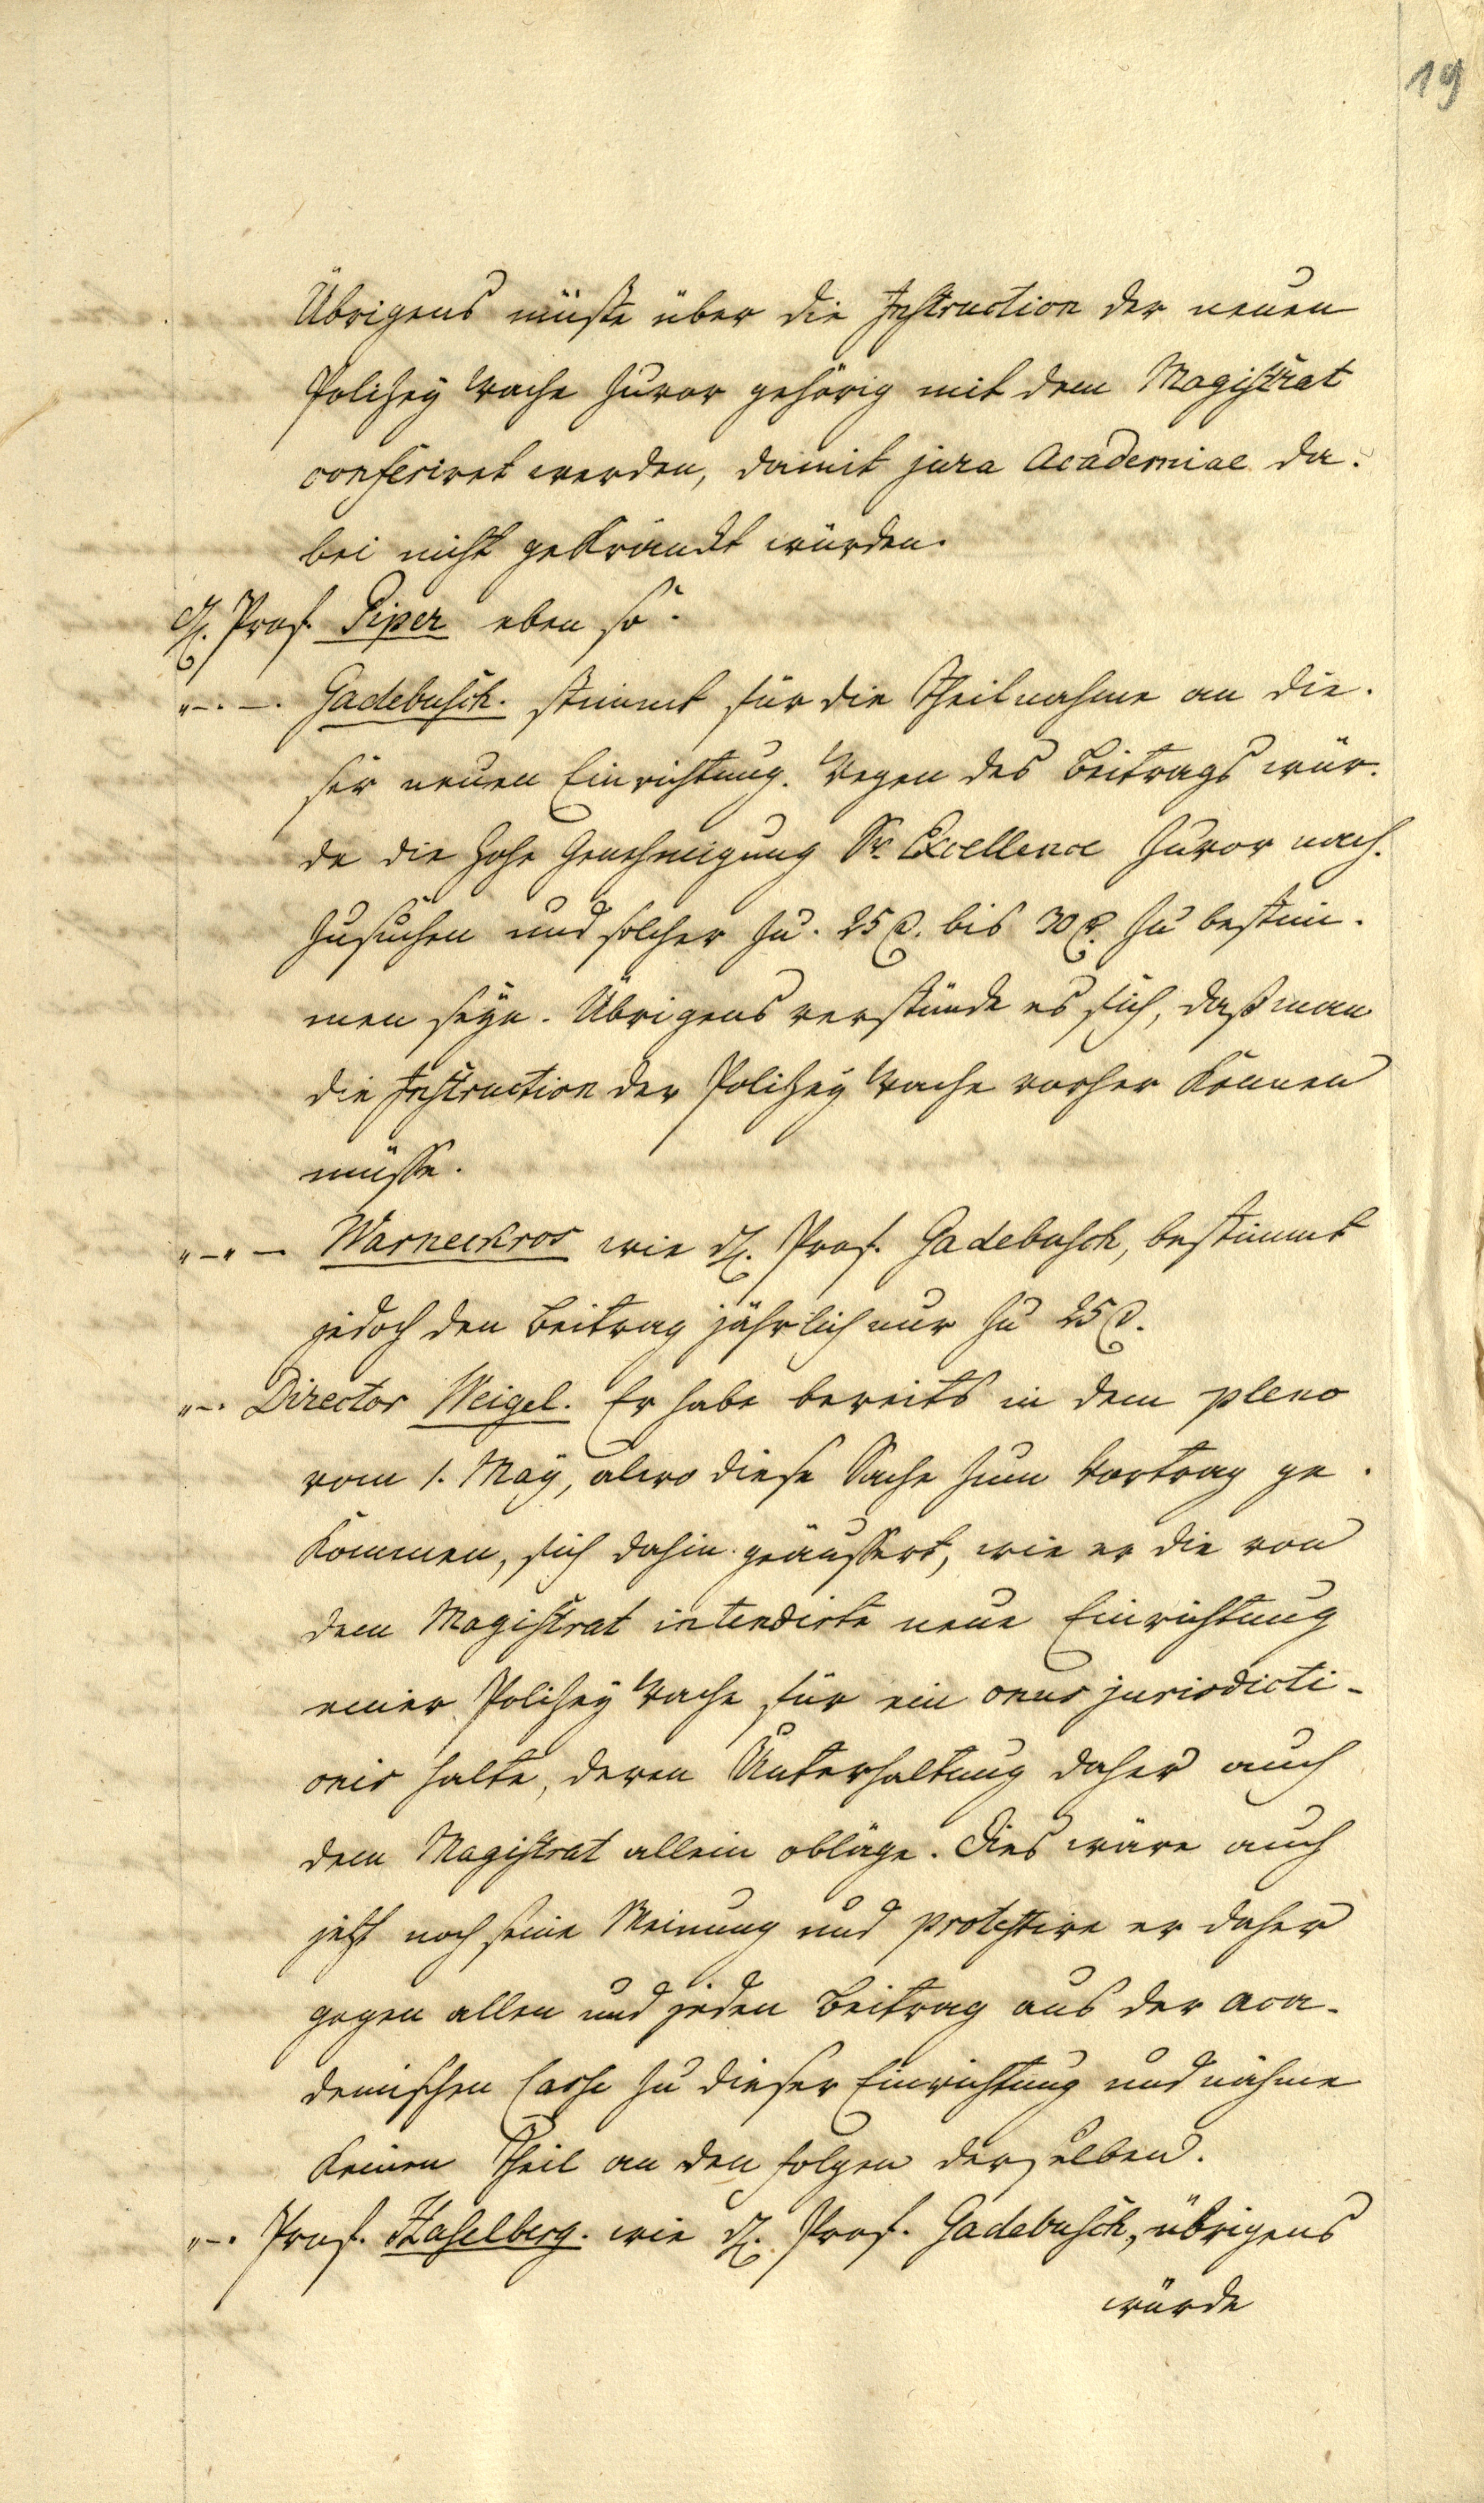Übrigens müßte über die Instruction der neuen
Polizey Wache zuvor gehörig mit dem Magistrat
conferiret werden, damit jura Academiae da-
bei nicht gekränkt würden.
dh. Prof. Piper ebenso.
" - " - " Gadebusch. stimmt für die Theilnahme an die-
ser neuen Einrichtung. Wegen des Beitrags wür-
de die hohe Genehmigung Sr. Excellence zuvor nach-
zusuchen und solcher zu 25 rtl bis 30 rtl zu bestim-
men seyn. Übrigens verstünde es sich, daß man
die Instruction der Polizey Wache vorher kennen
müsse.
" - " - Warneckros wie dh. Porf. Gadebusch, bestimmt
jedoch den Beitrag jährlich nur zu 25 rtl.
" - " Director Weigel. Er habe bereits in dem pleno
vom 1. May, alwo diese Sache zum Vortrag ge-
kommen, sich dahin geäussert, wie er die von
dem Magistrat intendirte neue Einrichtung
einer Polizey Wache für ein onus jurisdicti-
onis halte, deren Unterhaltung daher auch
dem Magistrat allein obläge. Dies wäre auch
jetzt noch seine Meinung und protestire er daher
gegen allen und jeden Beitrag aus der aca-
demischen Casse zu dieser Einrichtung und nähme
keinen Theil an den Folgen derselben.
" - " Prof. Haselberg. wie dh. Prof. Gadebusch, übrigens
würde